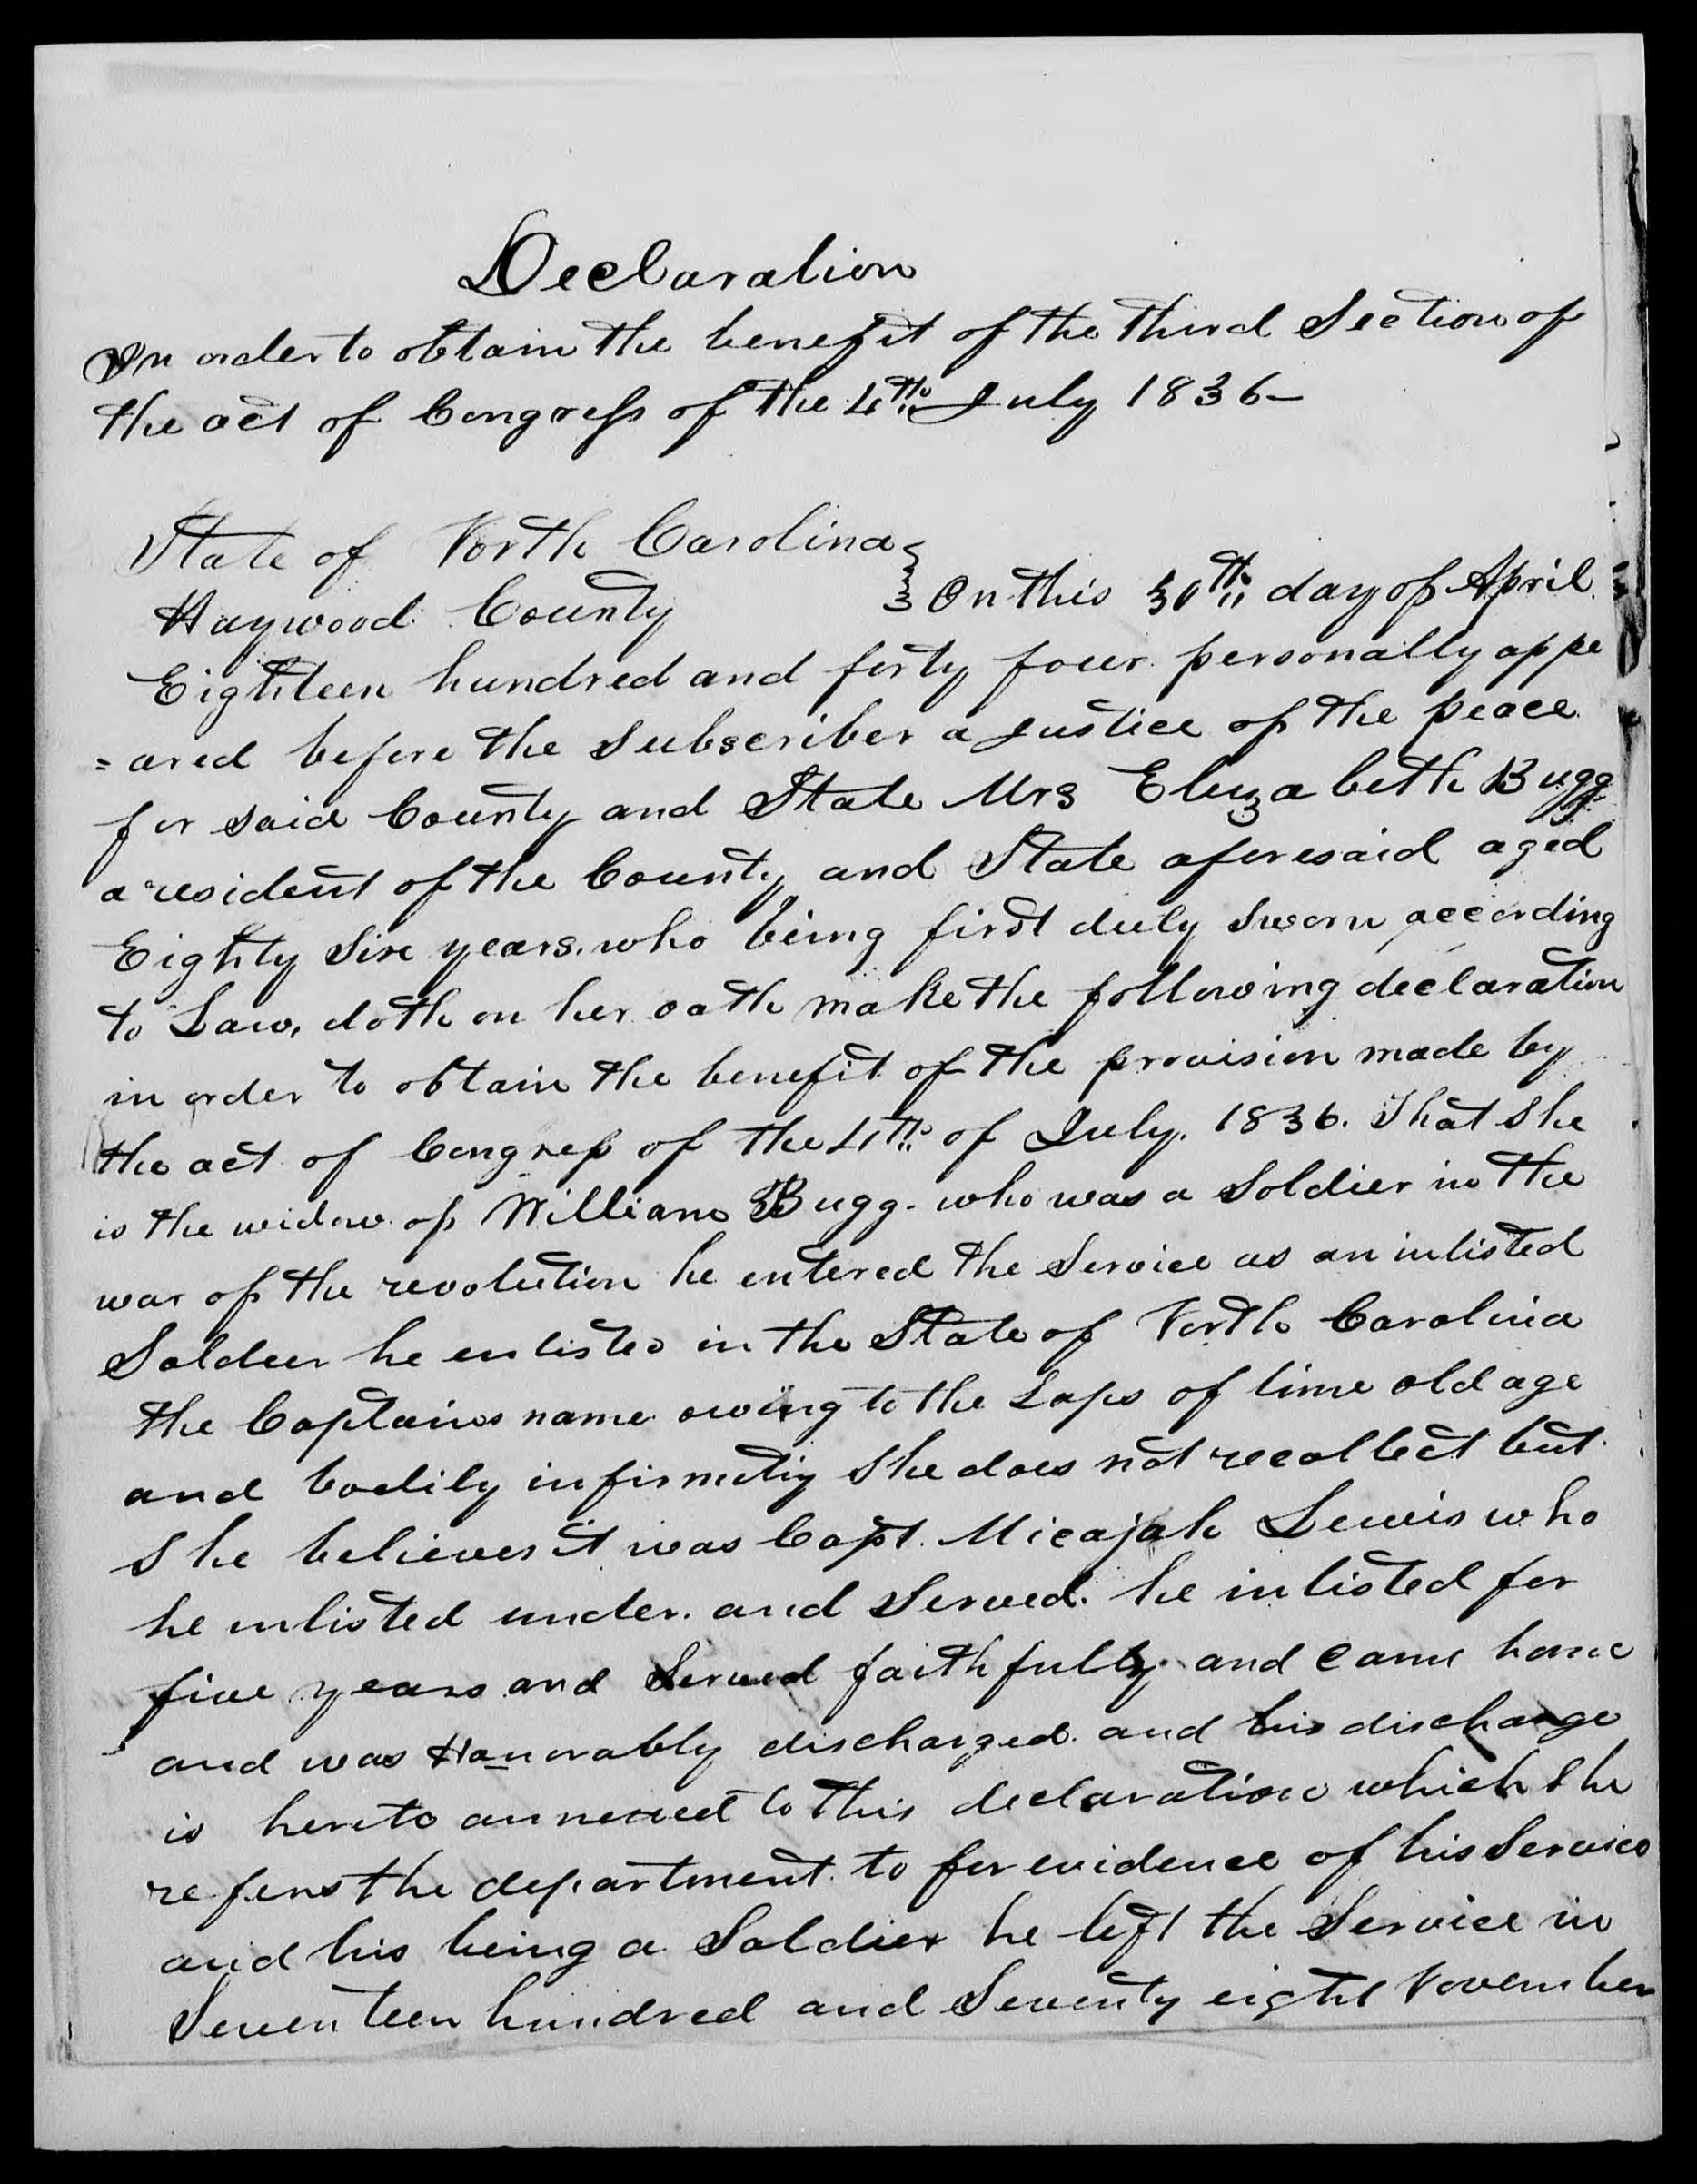Declaration

In order to obtain the benefit of the Third Section of 
the act of Congress of the 4th July 1836-

State of North Carolina
Haywood County

On this 30th day of April
Eighteen hundred and forty four personally 
appeared before the Subscriber a Justice of the peace
for said County and State Mrs Elizabeth Bugg
a resident of the County and State aforesaid aged
Eight Six years, who being first duly Sworn according
to Law, doth on her oath make the following declaration
in order to obtain the benefit of the provision made by
the act of Congress of the 4th of July 1836. That She 
is the widow of William Bugg, who was a Soldier in the
war of the revolution he entered the Service as an inlisted 
Soldier he enlisted in the State of North Carolina
the Captains name owing to the Laps of time old age
and bodily infirmity She does not recollect but
She believes it was Capt. Micajah Lewis who
he enlisted under and Served. he inlisted for 
five ears and Served faithfully and came home
and was Honorably discharged and his discharge 
is hereto annexed to this declaration which she
refers the department to for evidence of his service
and his being a Soldier he left the Service in
Seventeen hundred and Seventy eight November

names: William Bugg, Elizabeth Bugg, Micajah Lewis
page: 4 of 50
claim: widow's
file: W. 898, William Bugg, N.C.